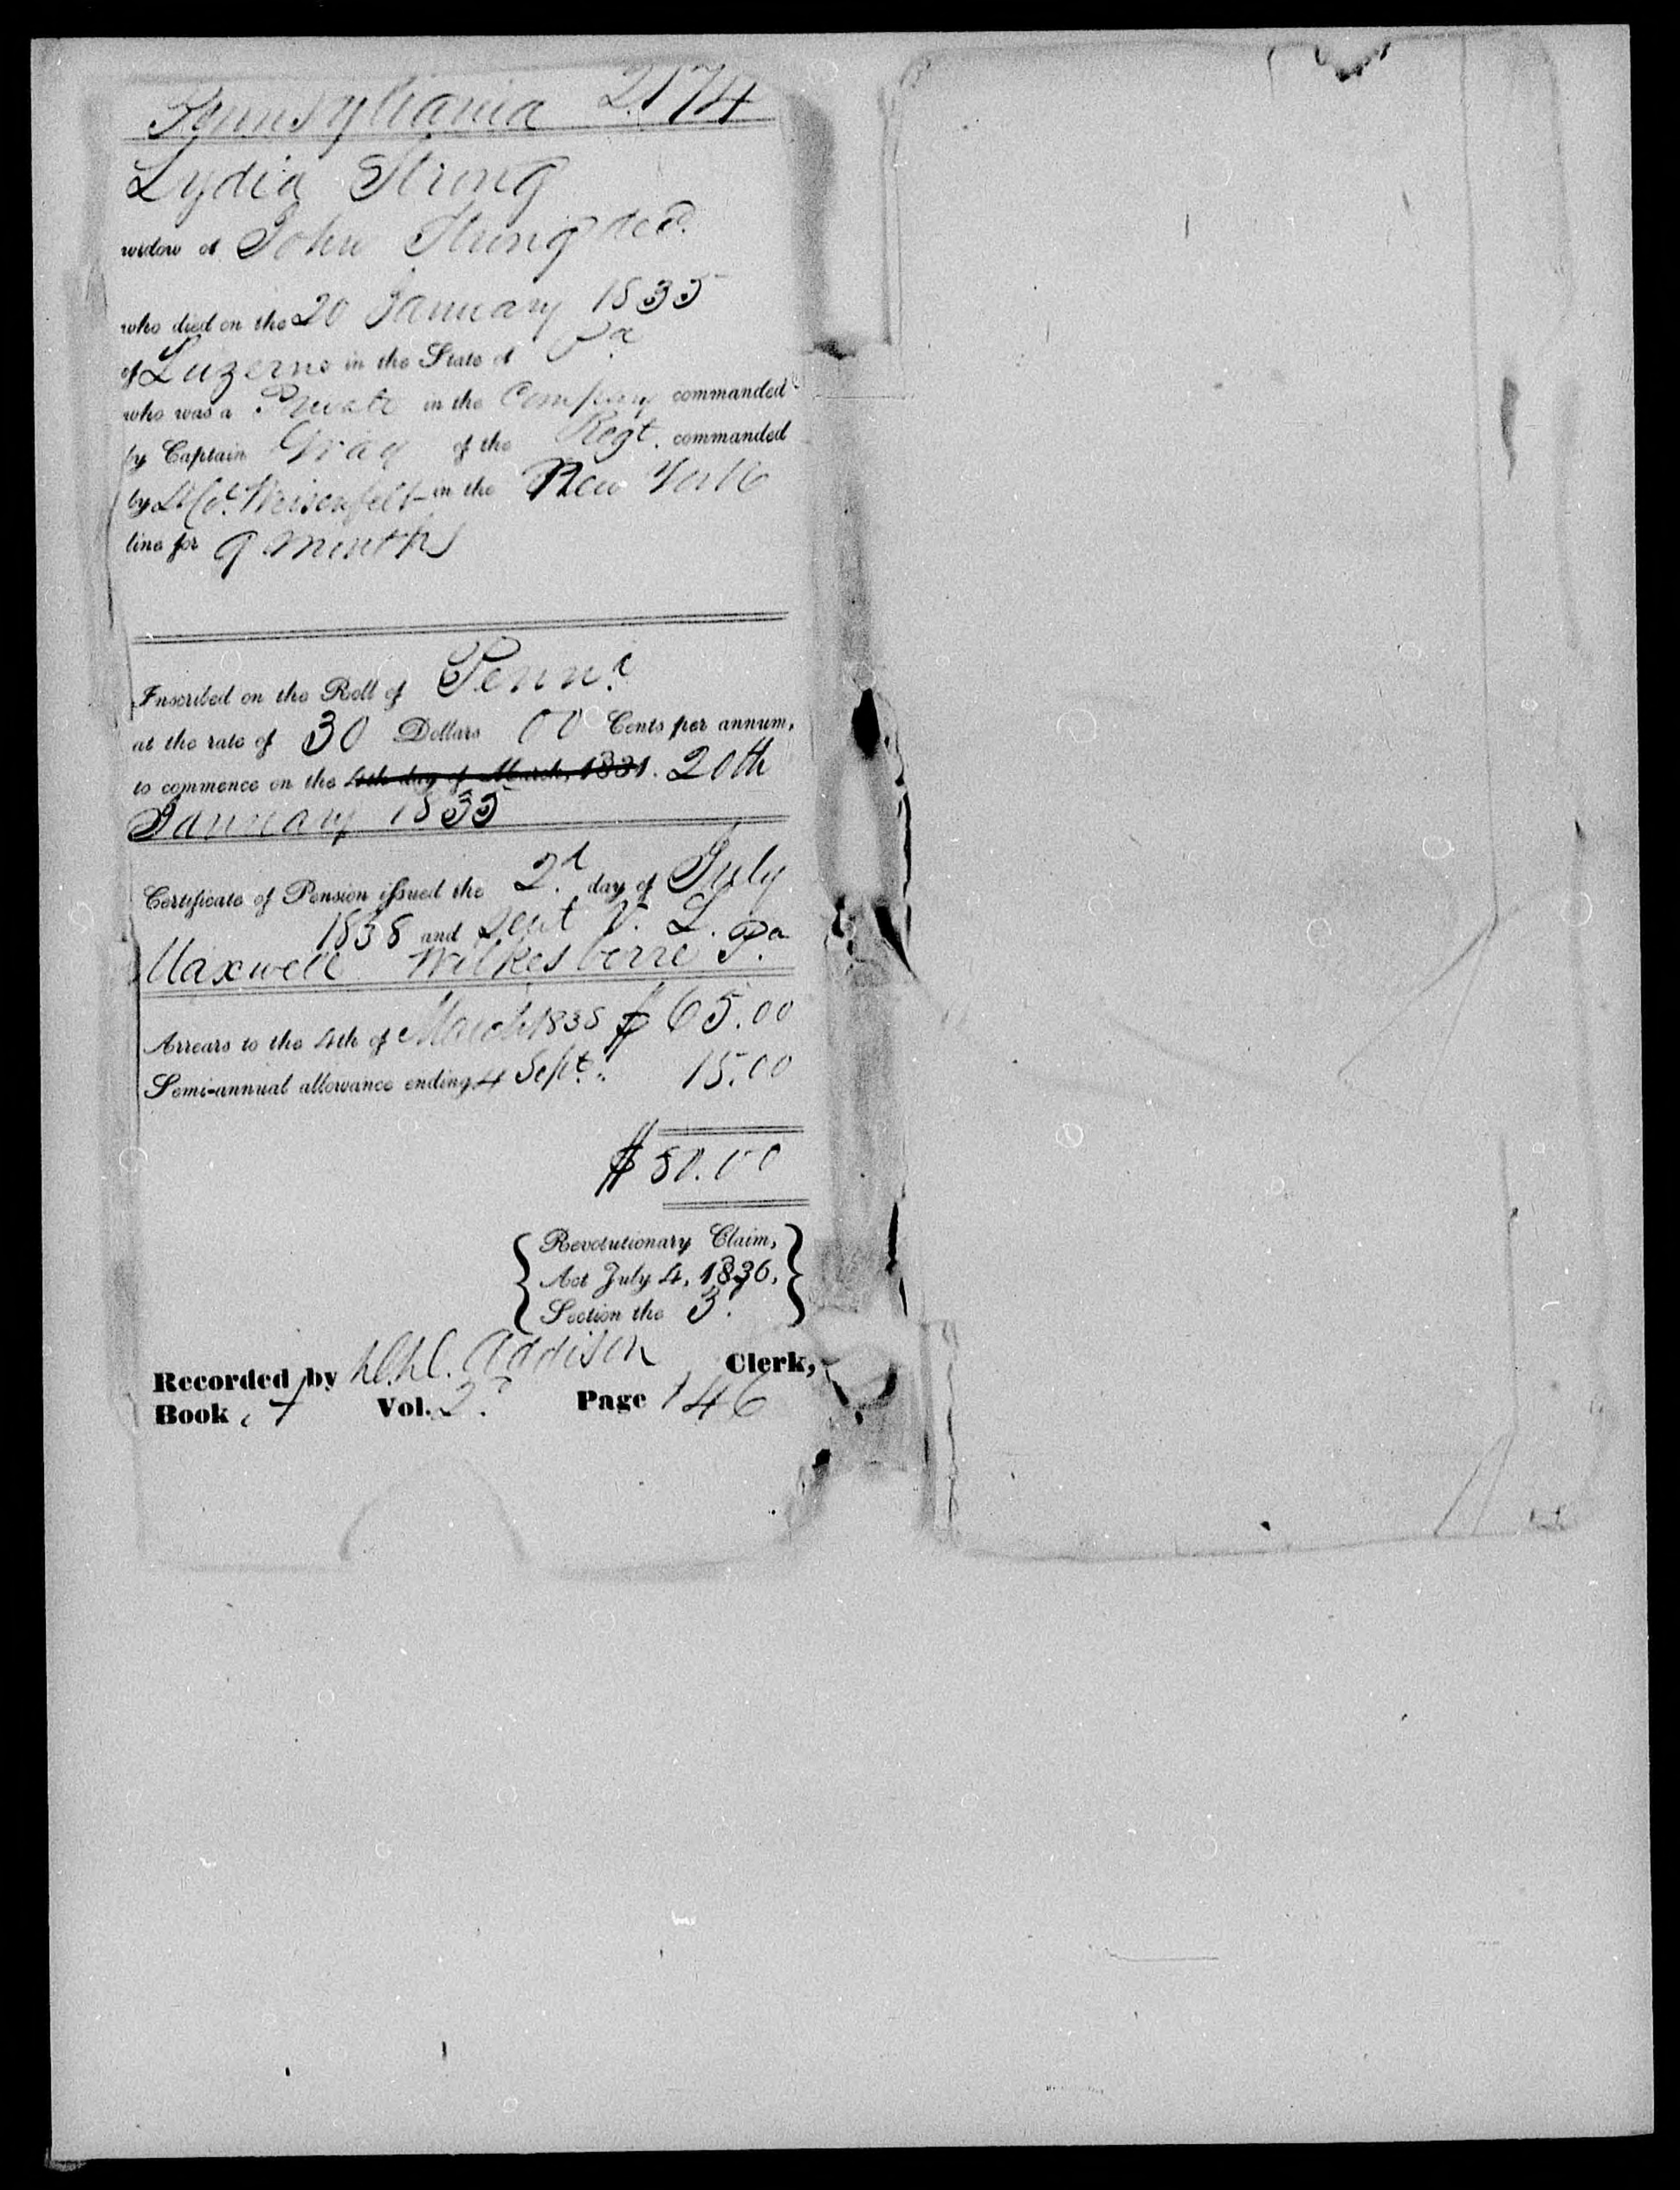Pennslyvania [illegible]

Lydia Strong
widow of John Strong decd.
who died on the 20 January 1835
of Luzerne in the State of PA
who was a Private in the Confederacy commanded by Captain Gray of the Regt. commanded by Lt. Capt. Weisenfelt in the New York line for 9 months

Inscribed on the Roll of Penn. at the rate of 30 dollars 00 cents per annum, to commence on the [crossed out portion] 20th January 1835. 

Certificate of Pension issued the 2nd day of July 1838 and sent V. L. Maxwell Wilkes Barre Pa. 

Arrears to the sixth of May of 1835 $65.00
Semi-annual allowance ending 4 Sept. 15.00
$80.00 [totaled amount of $65.00 and $15.00)

Revolutionary Claim, Act July 4, 1836, 
Section the 37

Recorded by D. D. Addison Clerk, 
Book A  Vol. 27  Page 146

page: 5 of 33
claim: widow's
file: W. 4592, for John Strong, New York